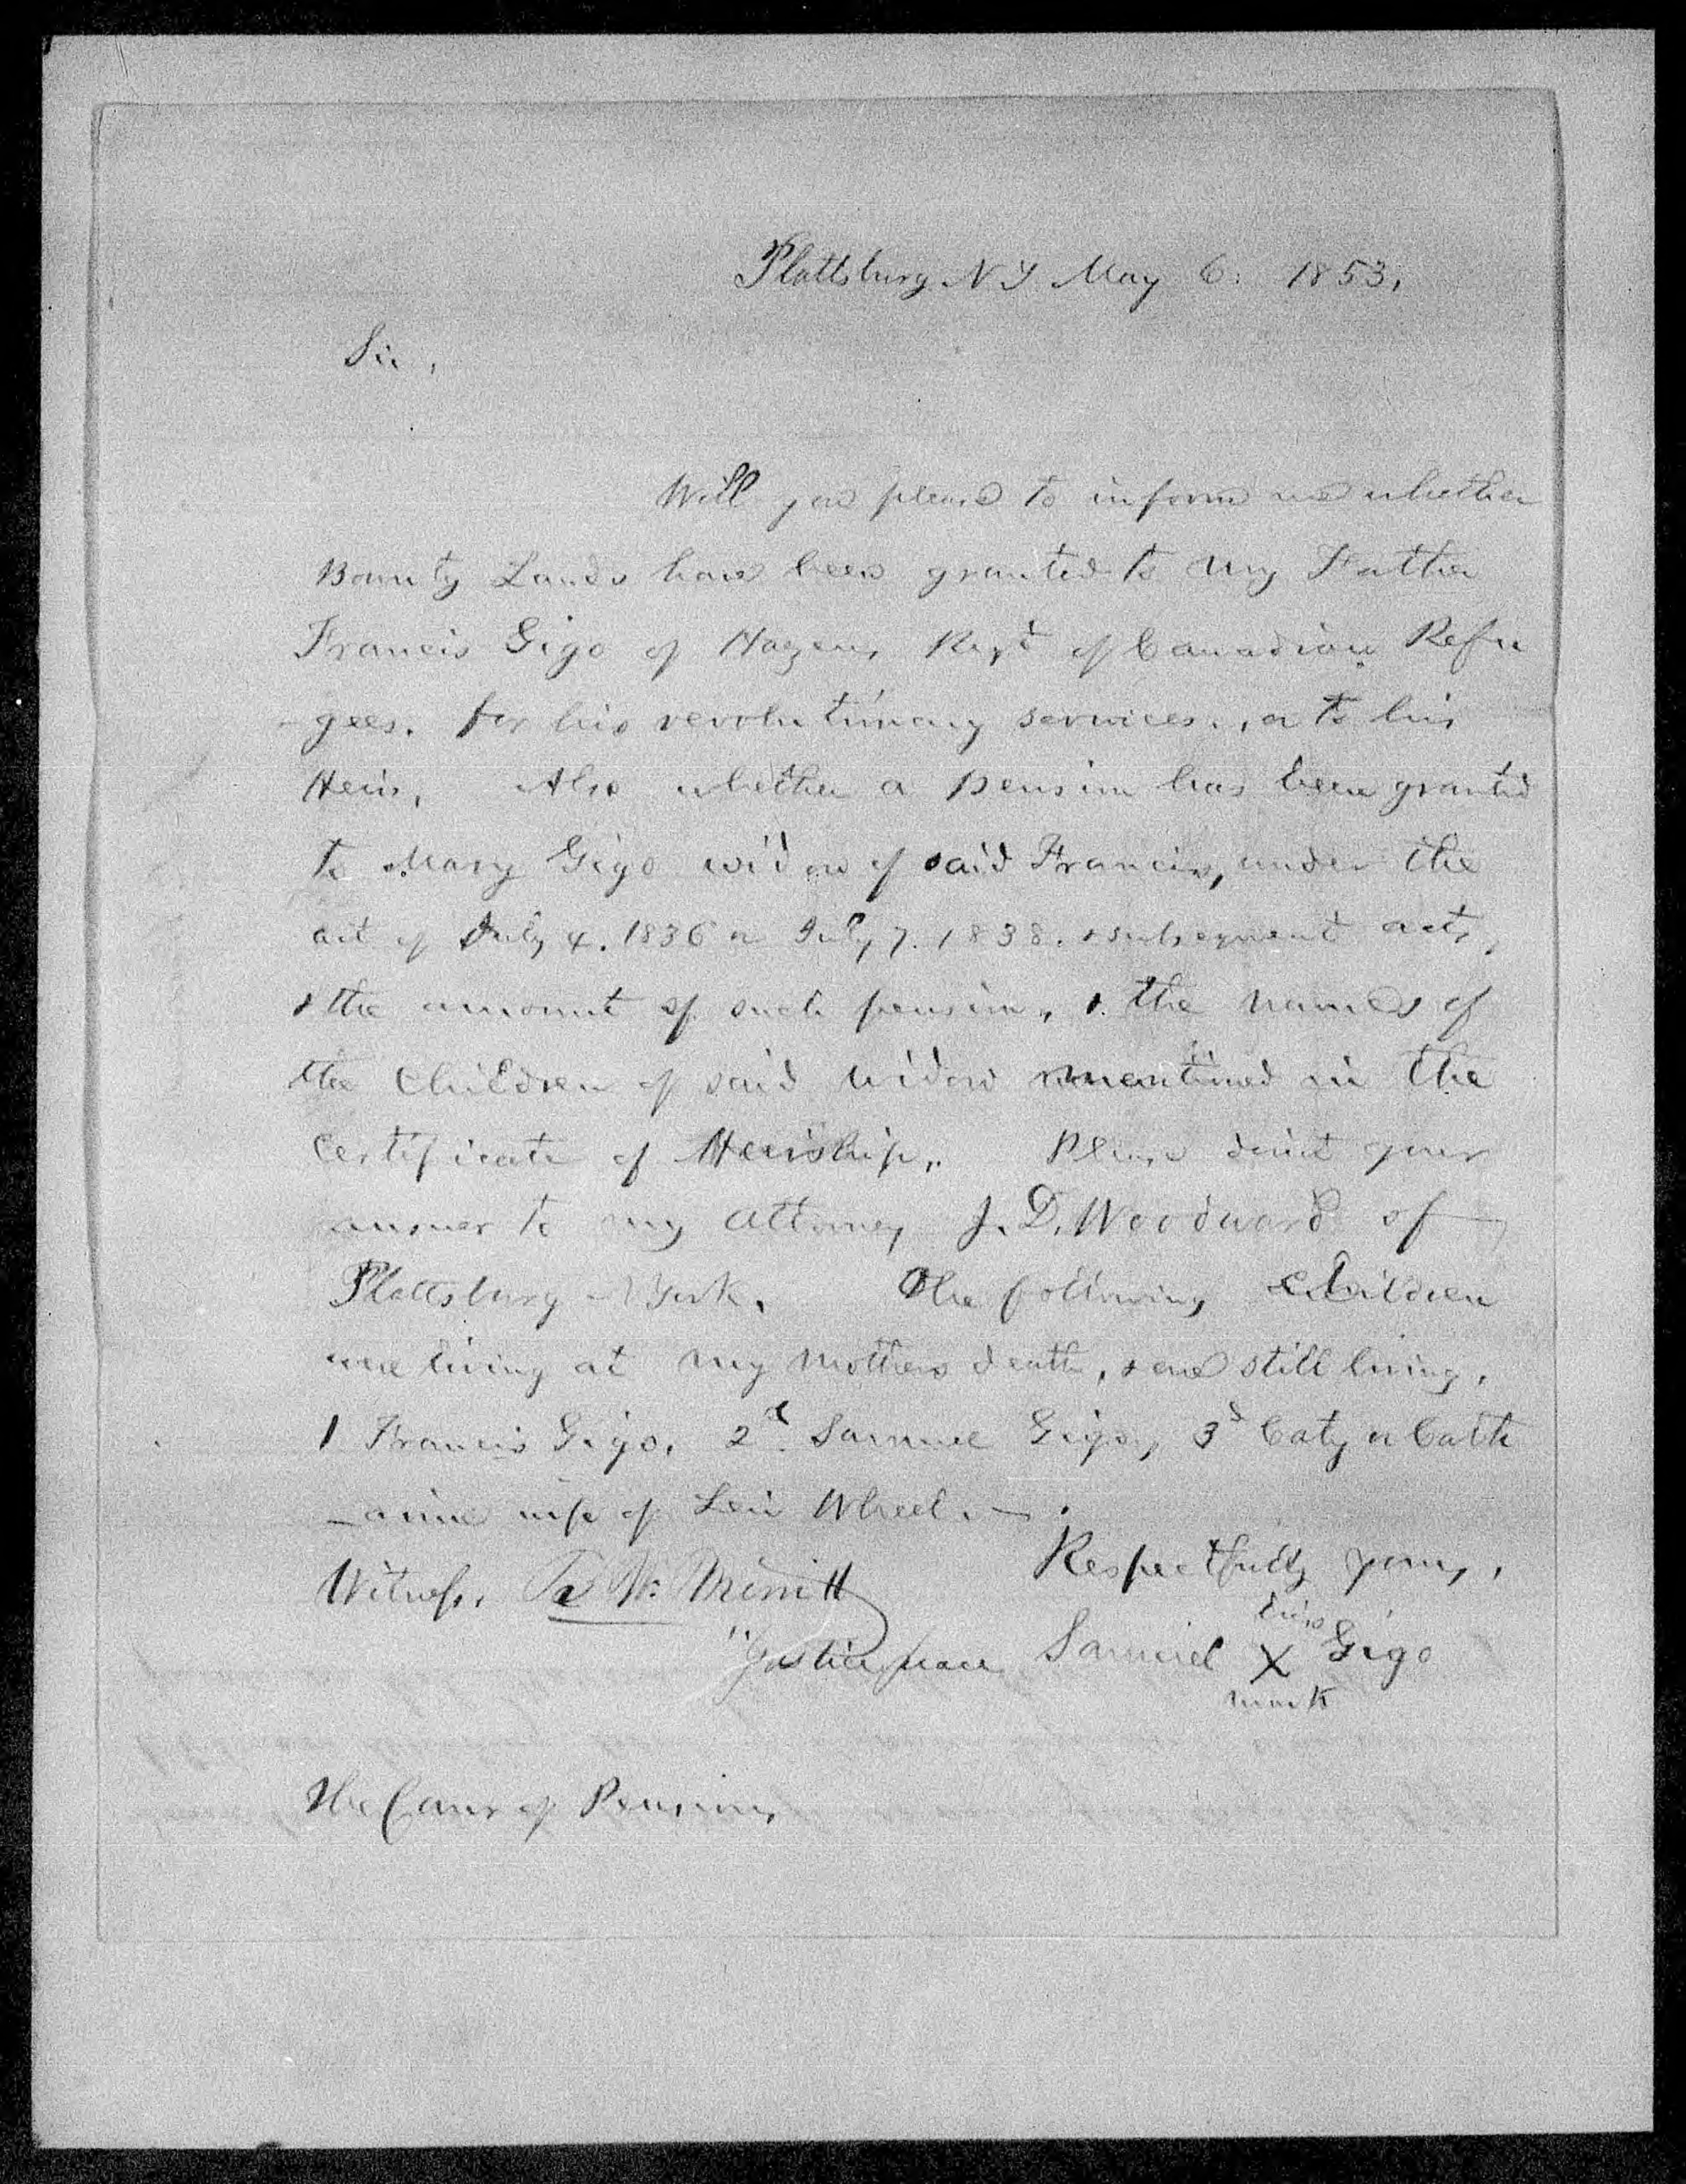Plattsburg NY May 6, 1853
Sir,
Will you please to inform and whether Bounty Lands have been granted to my Father Francis Gigo of Hazen's Regt of Canadian Refugees for his revolutionary services, or to his Heirs. Also wether a pension has been granted to Mary Gigo widow of said Francis, under the act of July 4, 1836 or July 7, 1838, a subsequent act, & the amount of each pension, the names of the children of said widow mentioned in the certificate of Heirship.
Please sent your answer to my attorney J. D. Wooward of Plattsburg, N York. Also following children were living at my mother's death, and still living, 1. Francis Gigo, 2d Samuel Gigo, 3d Caty or Catharine wife of Len Wheeler.
Respectfully yours, Samuel x(his mark) Gigo
Witness P W Memitt Justice Peace
The Case of Pension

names: Mary Gigo, B W Merritt, Francis Gigo, Caty, J D Woodward, Francis Gigo, Samuel Gigo, Samuel Gigo, Francis, Levi Wheeler, Catharine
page: 3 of 98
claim: widow's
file: W. 21182, Francis Gigo, Continental (Canadian)